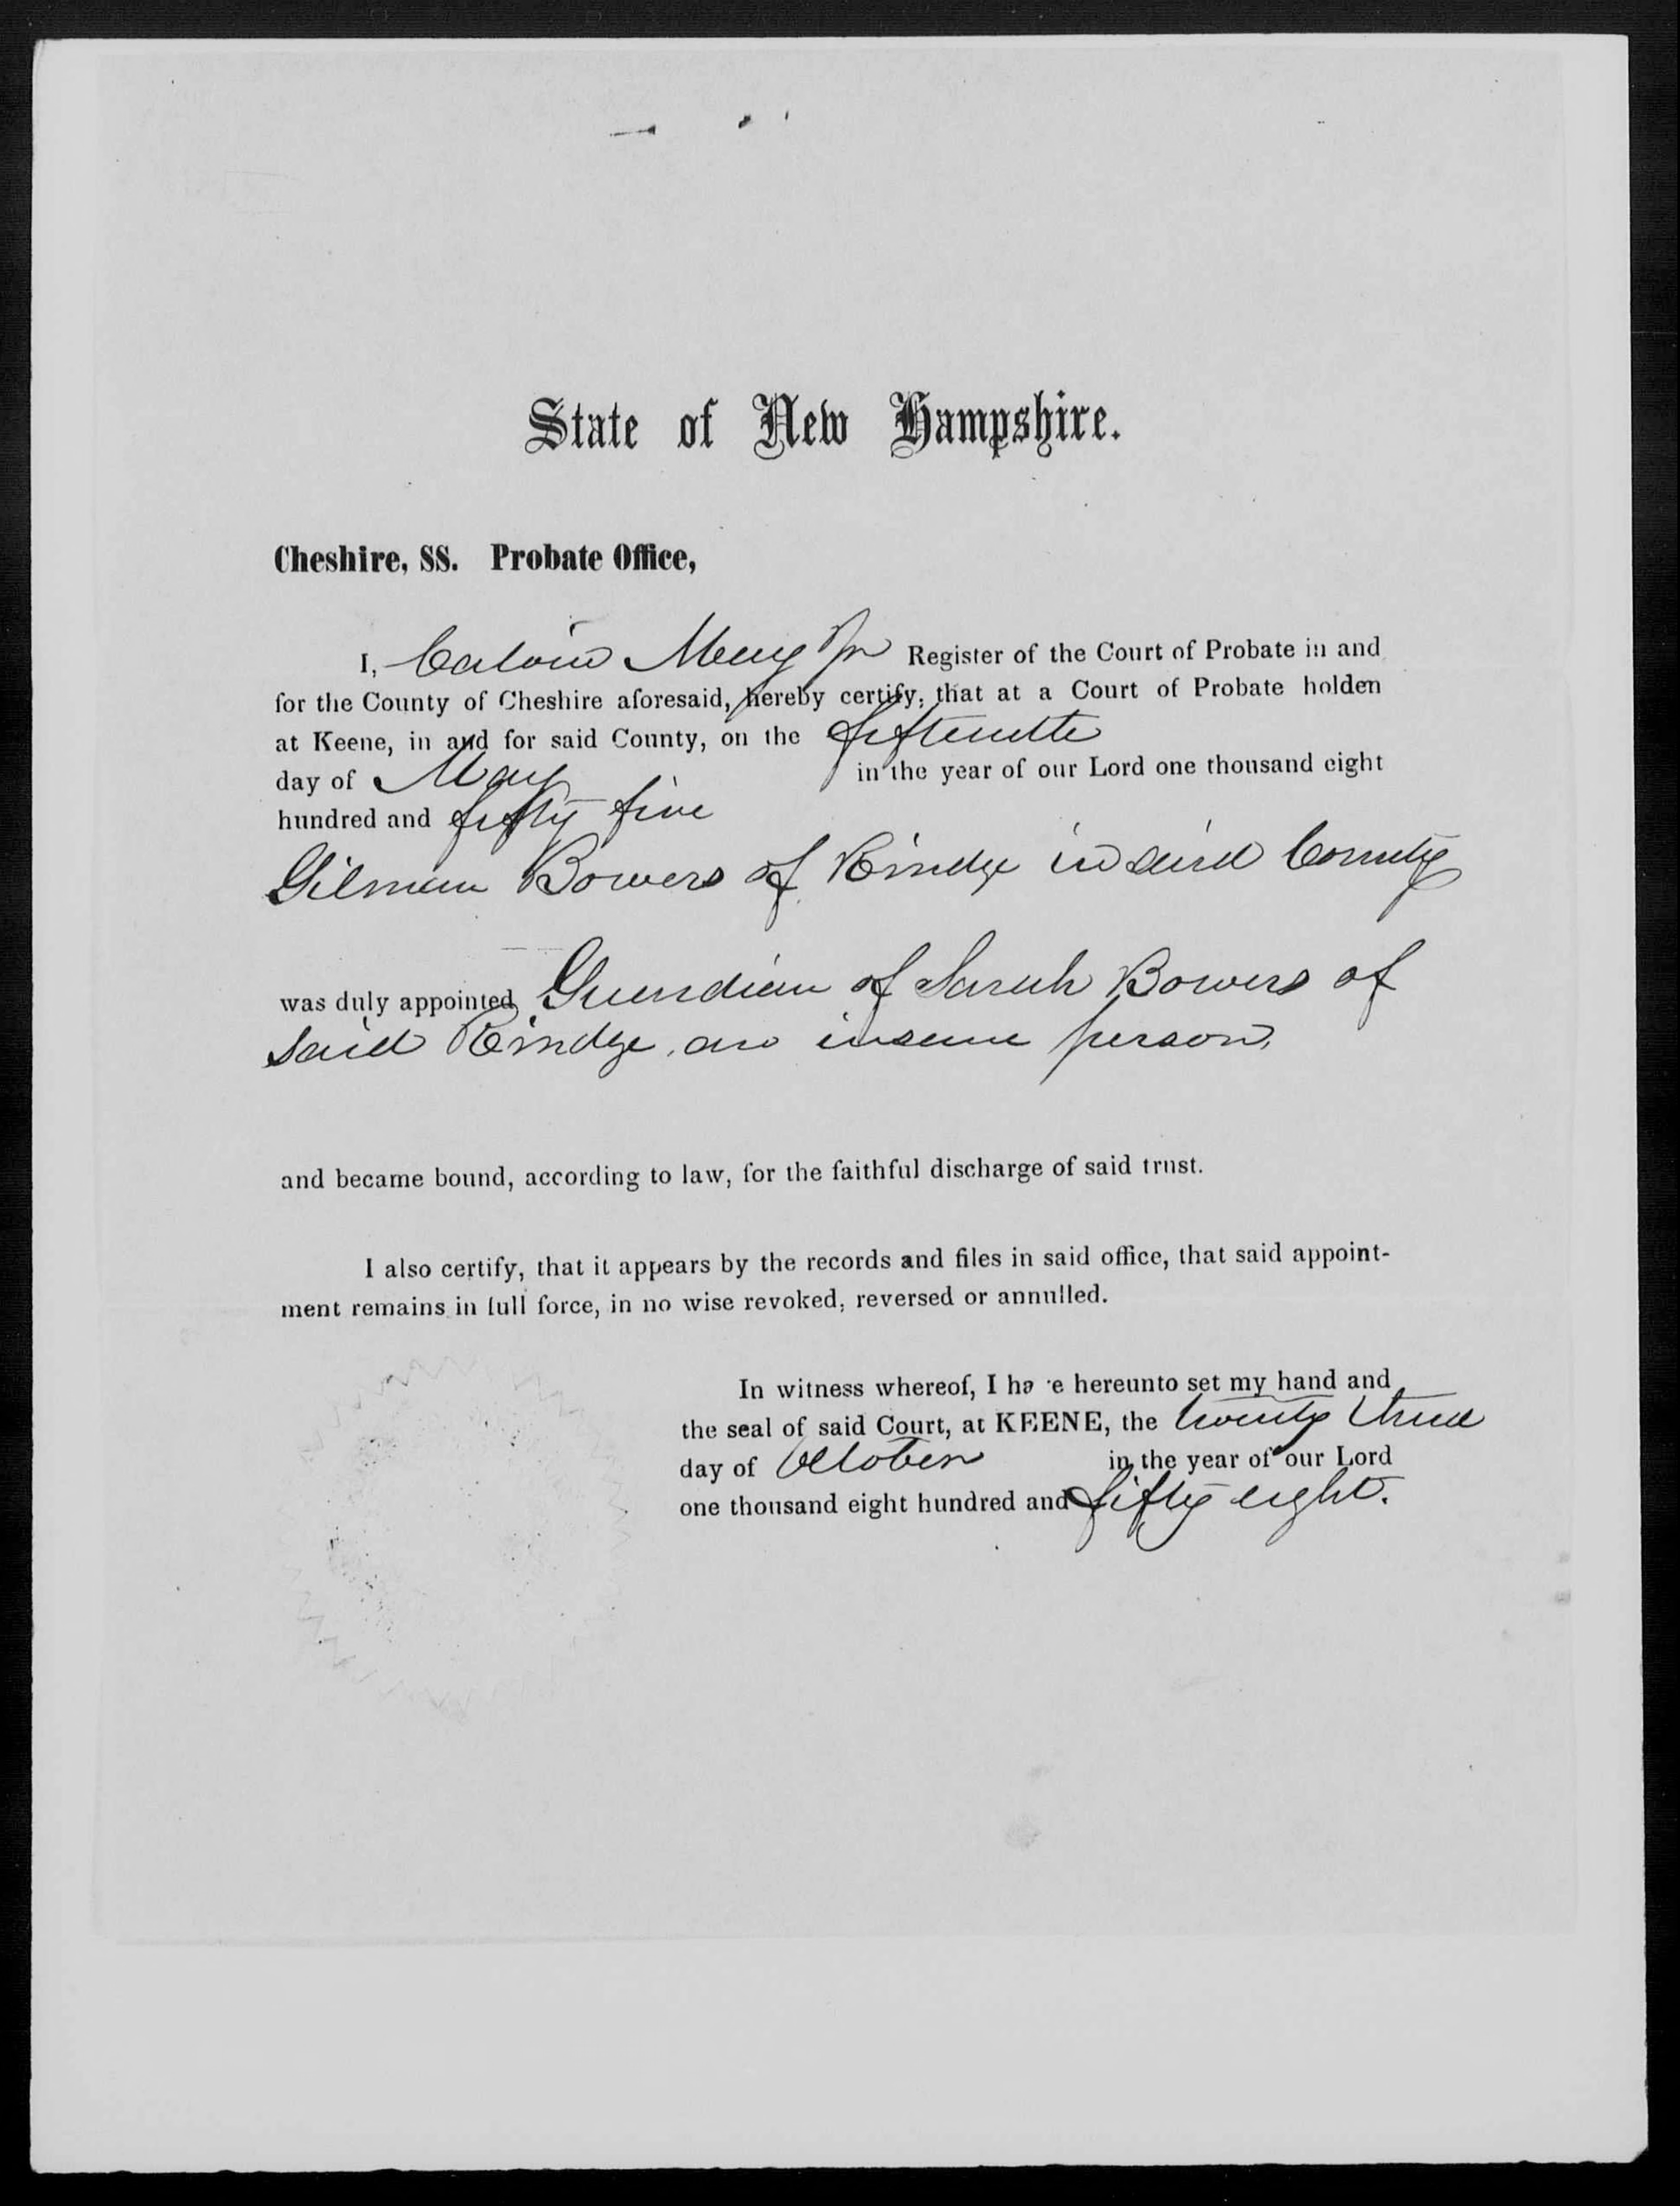State of New Hampshire.
Cheshire, SS. Probate Office,
I, Calvin Meny Jr Register of the Court of Probate in and
for the County of Cheshire aforesaid, hereby certify; that at a Court of Probate holden
at Keene, in and for said County, on the fifteenth
day of May in the year of our Lord one thousand eight
hundred and fifty five
Gilman Bowers of Rindge in said County
was duly appointed Guardian of Sarah Bowers of
said Rindge, an insane person,
and became bound, according to law, for the faithful discharge of said trust.
I also certify, that it appears by the records and files in said office, that said appointment
remains in full force, in no wise revoked, reversed or annulled.
In witness whereof, I have hereunto set my hand and
the seal of said Court, at KEENE, the twenty third
day of October in the year of our Lord
one thousand eight hundred and fifty eight.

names: Sarah Bowers, Gilman Bowers, Calvin Meny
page: 14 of 42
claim: widow's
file: W. 23,652, Nehemiah Bowers, Mass.